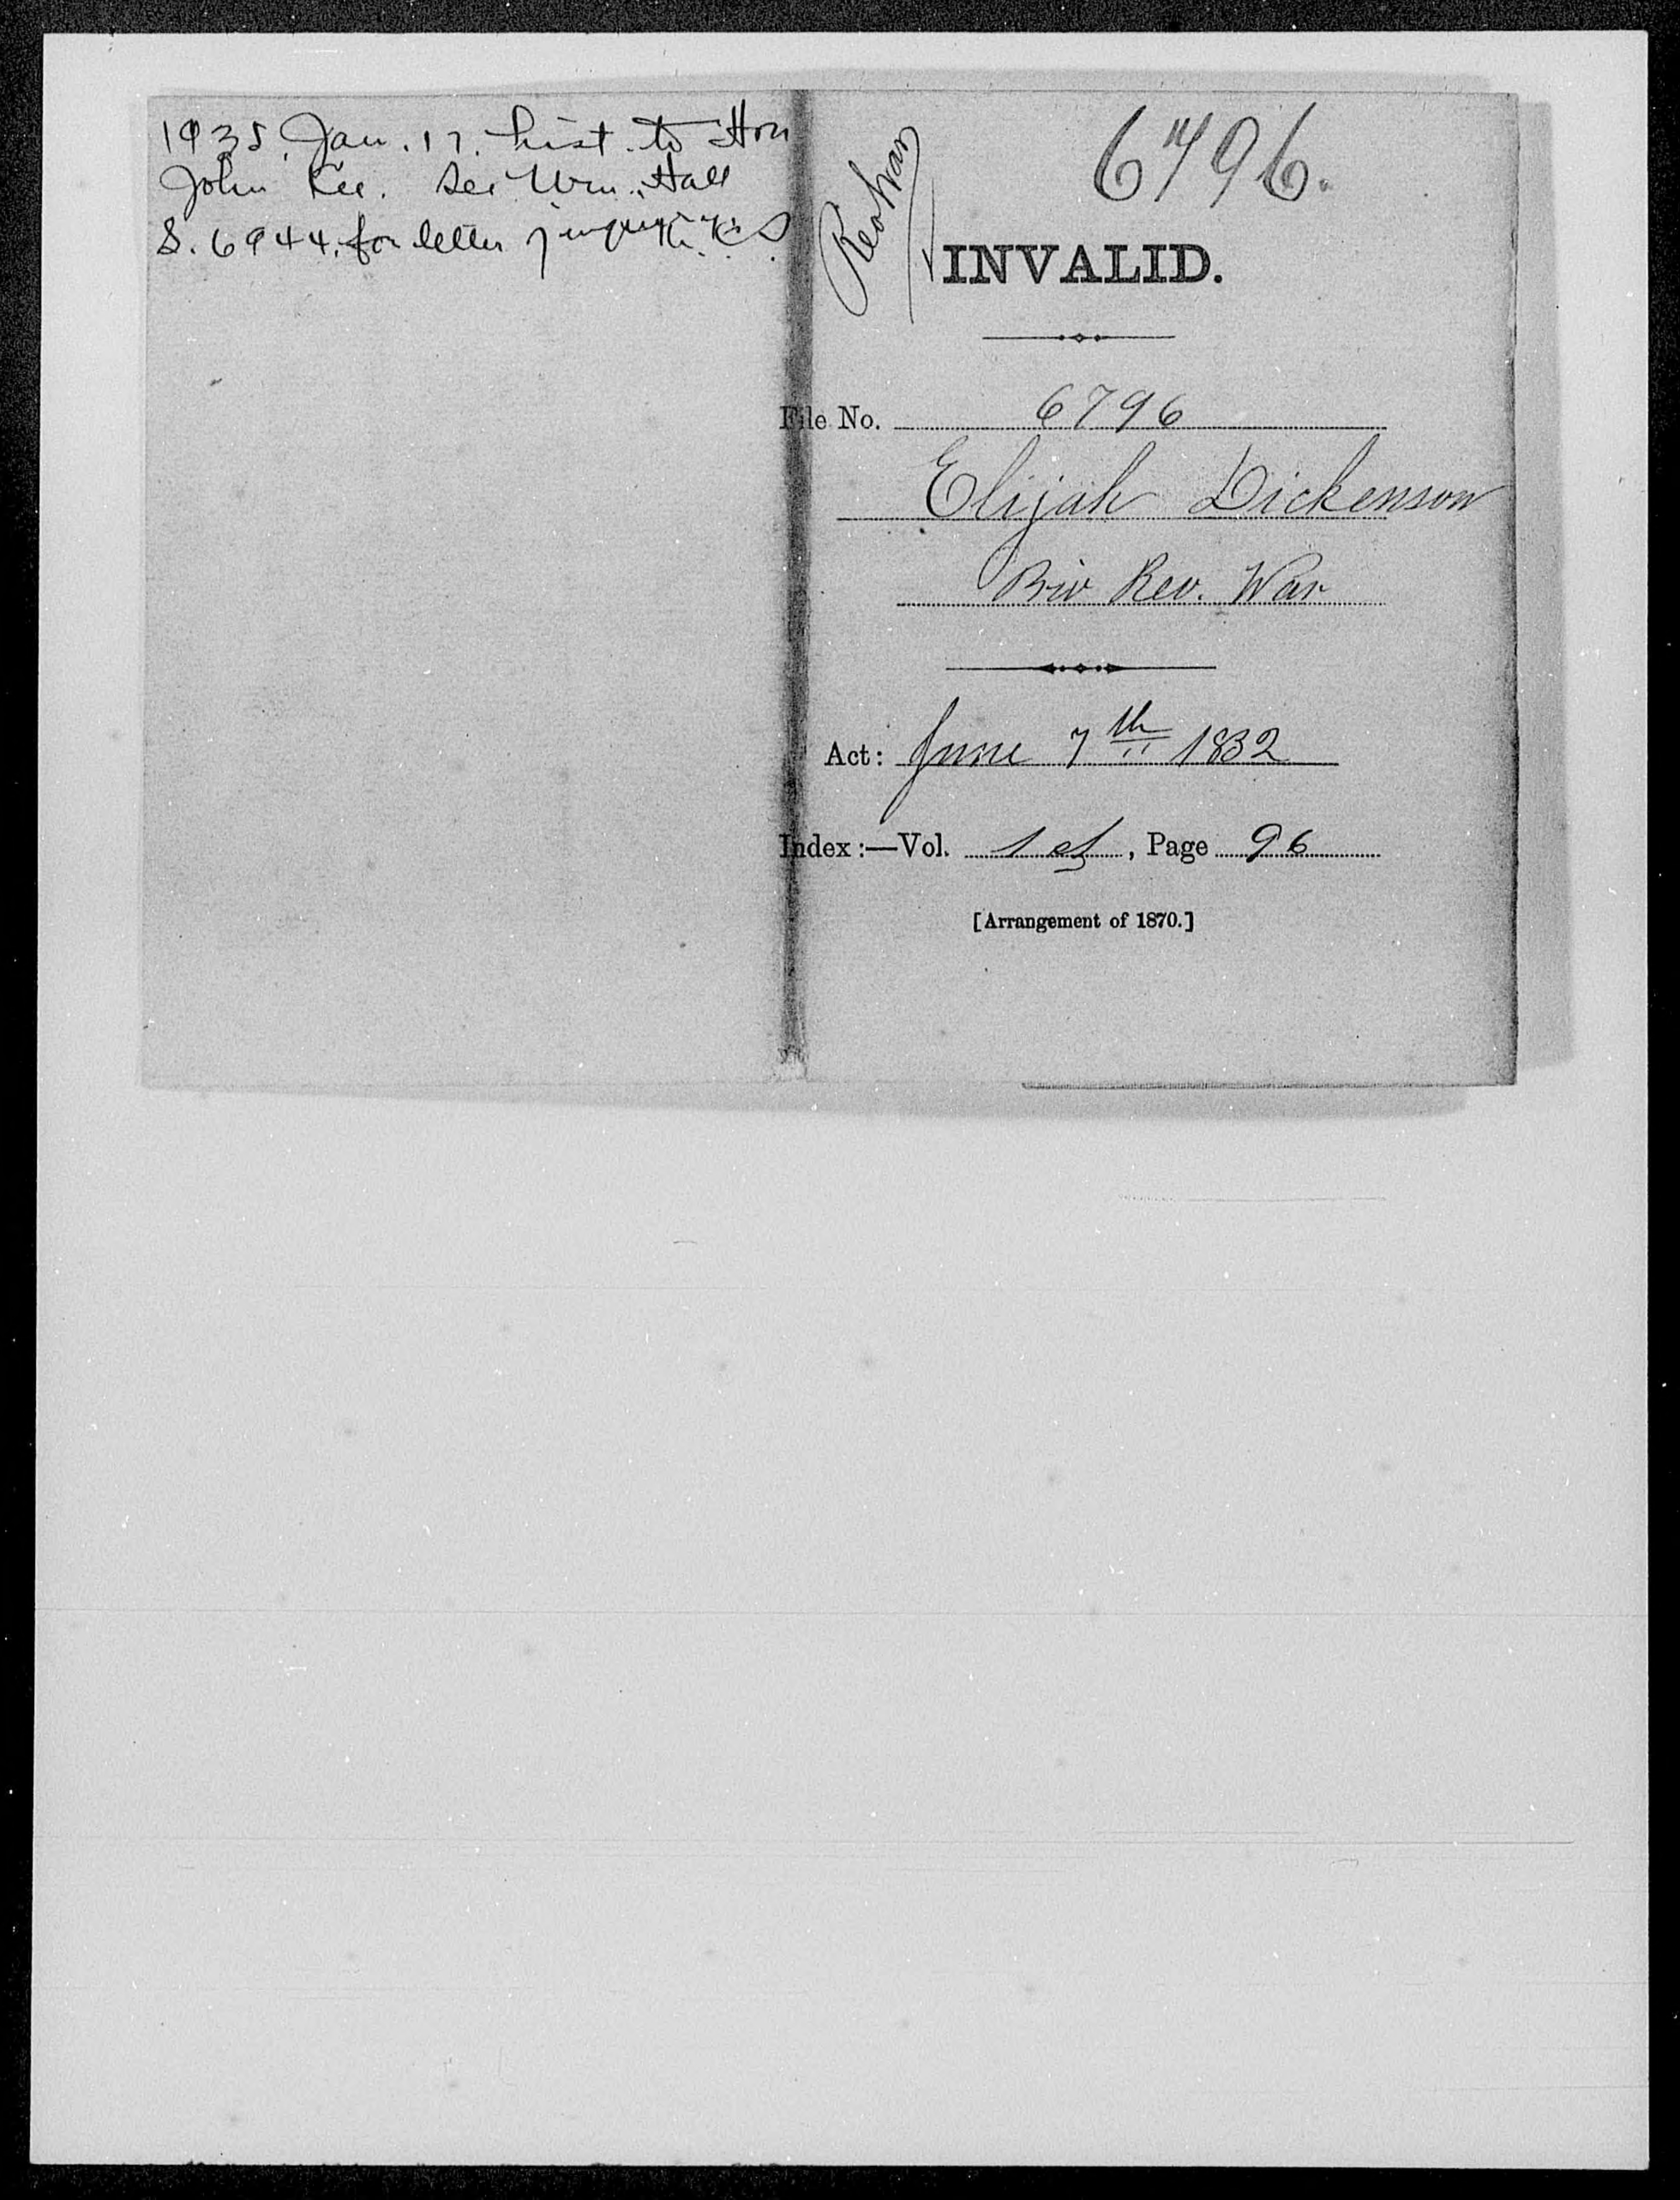Rev War 
6796
INVALID
File No. 6796
Elijah Dickenson
Prv [Private Rev. War]

Act: June 7th 1832
Index: --Vol. 1st, Page 96

[Arrangement of 1870.]

[handwritten]

1935 Jan. 17 hist. to Hon. John Kee See Wm. Hall
S. 6944 for letter of inquiry  [illegible]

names: John Kee, Wm Hall, Elijah Dickenson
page: 12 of 12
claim: survivor's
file: S. 6796, Elijah Dickenson, Va.